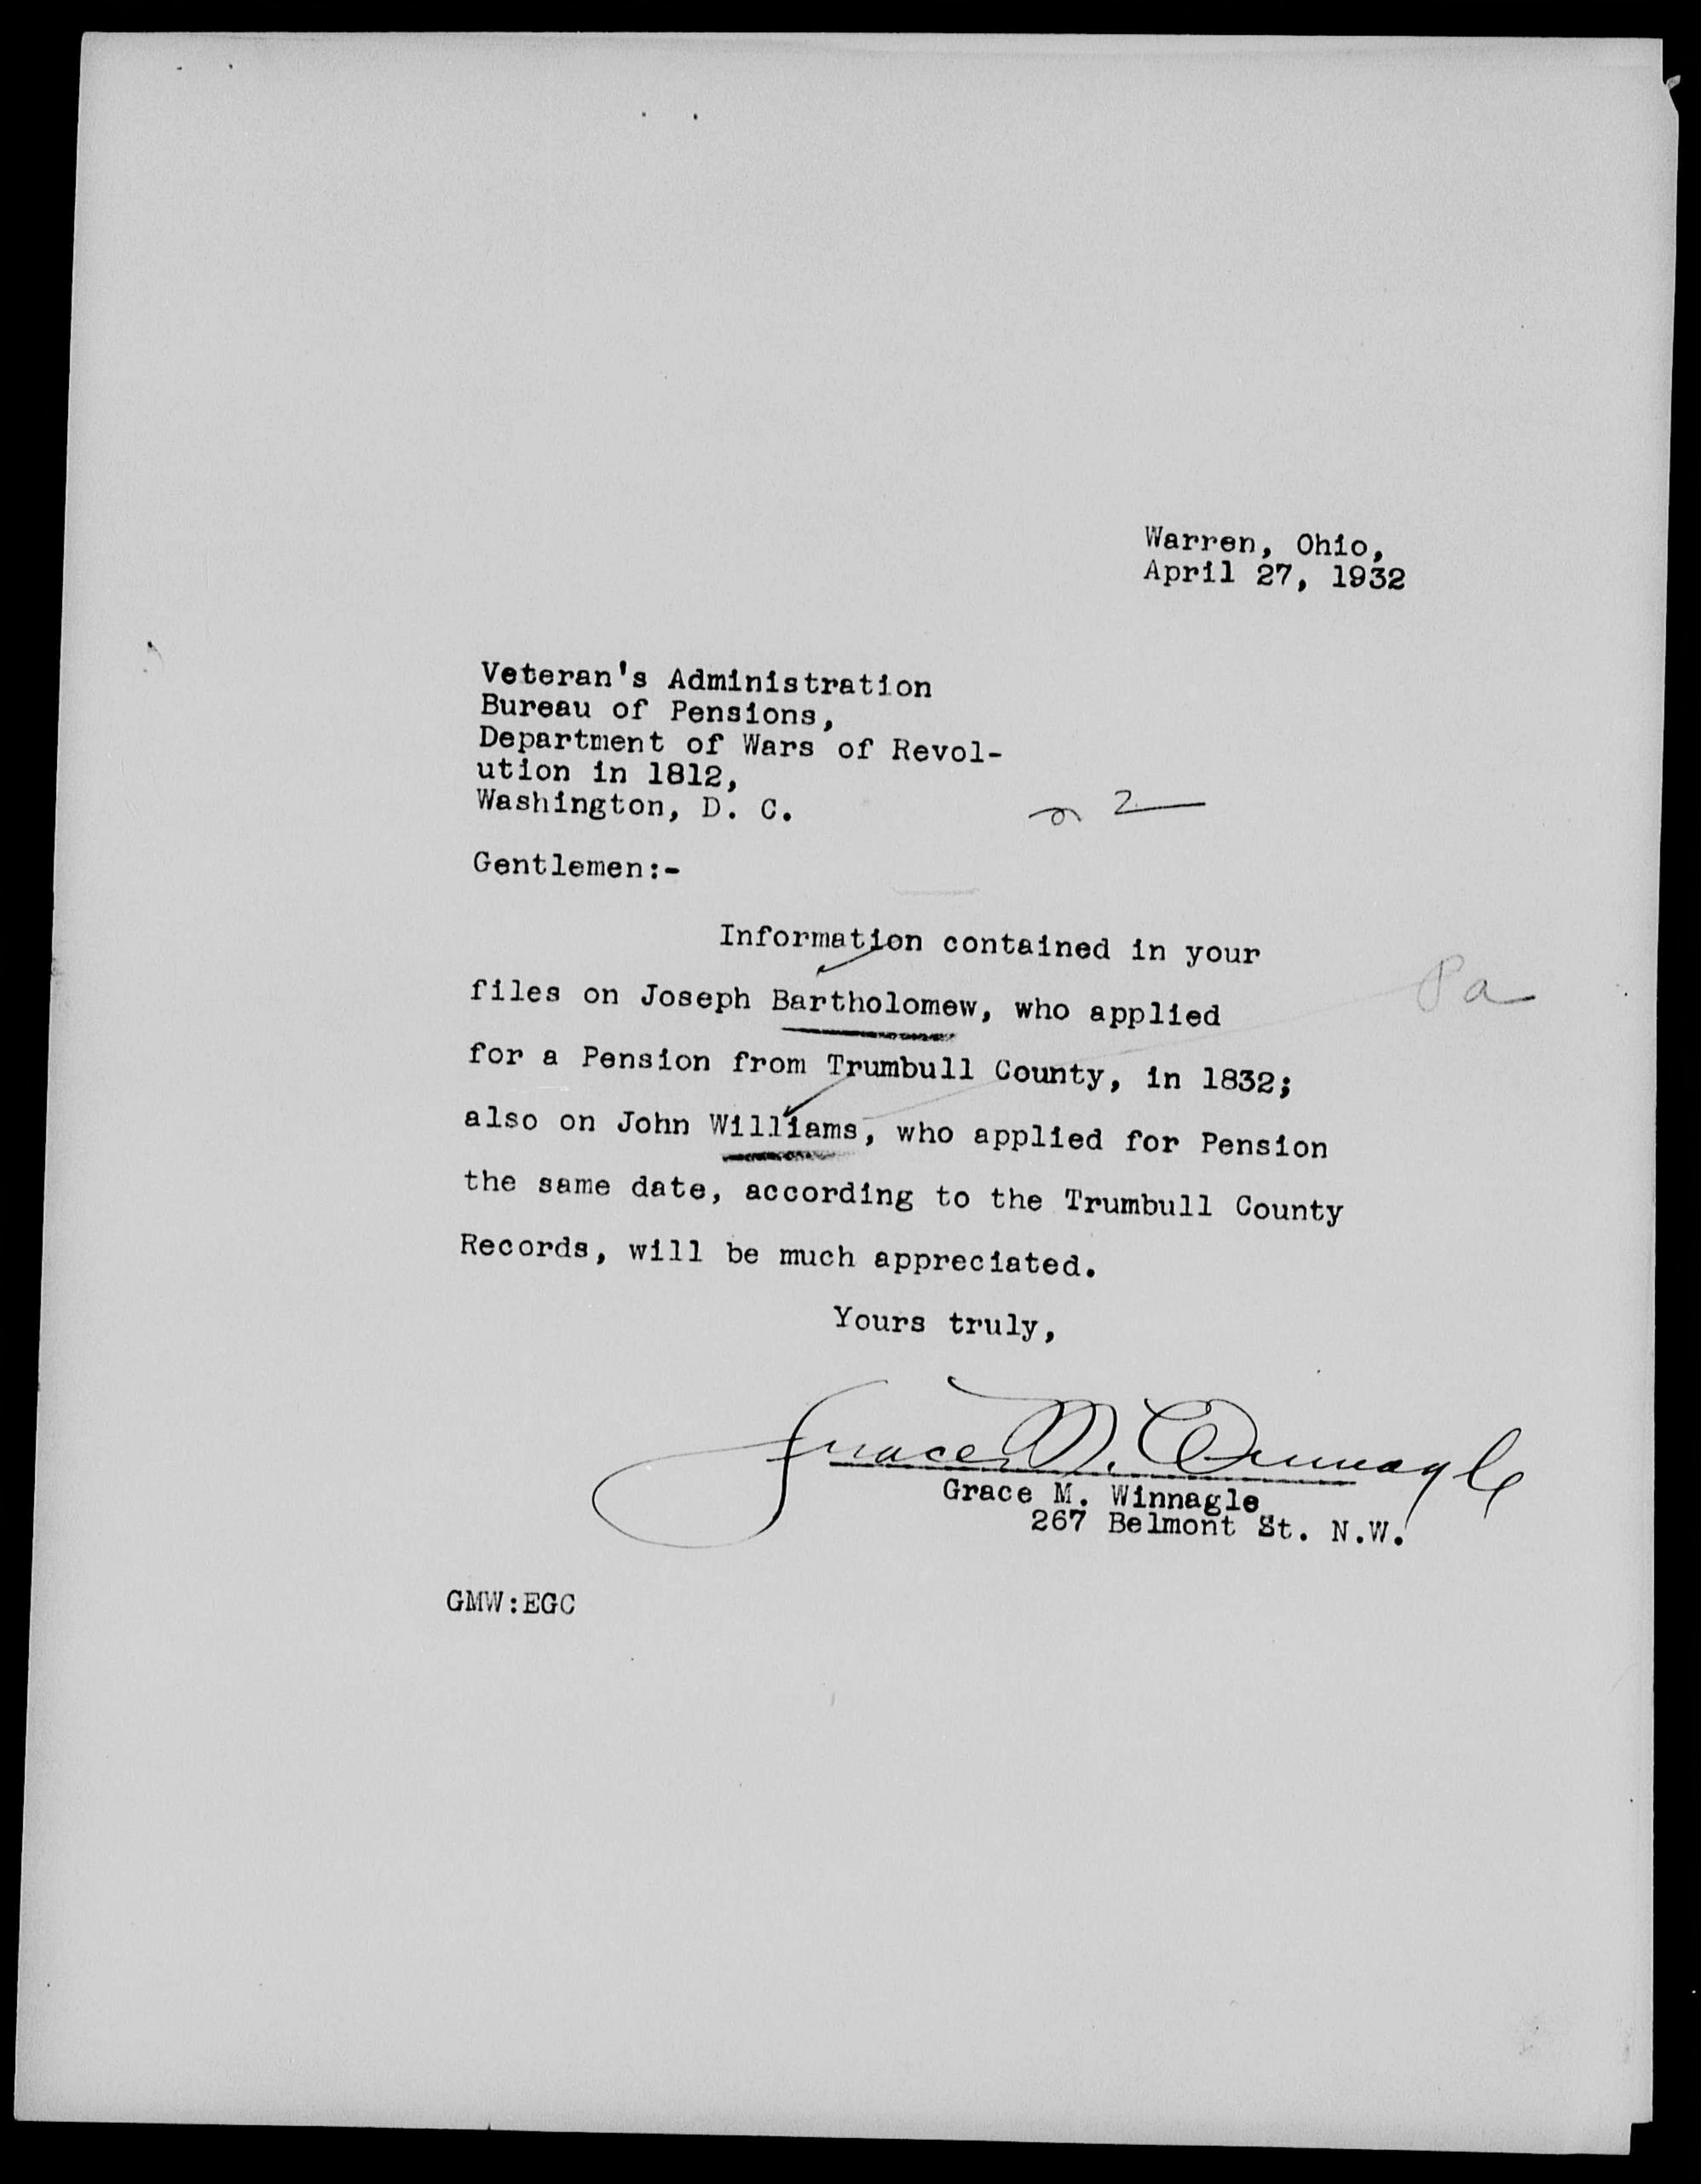Warren, Ohio,
                                                   April 27, 1932
Veteran's Administration
Bureau of Pensions,
Department of Wars of Revolution
in 1812,
Washington, D. C.                                                   2
Gentlemen:-
Information contained in your                                            Pa
files on Joseph Bartholomew, who applied
for a Pension from Trumbull County, in 1832;
also on John Williams, who applied for Pension
the same date, according to the Trumbull County
Records, will be much appreciated.
Yours truly,
Grace M. Winnagle
Grace M. Winnagle
267 Belmont St. N. W.

GMW:EGC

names: John Williams, Grace M Winnagle, Grace M Winnagle, Joseph Bartholomew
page: 65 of 76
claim: widow's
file: W. 9345, Joseph Bartholomew, Conn.